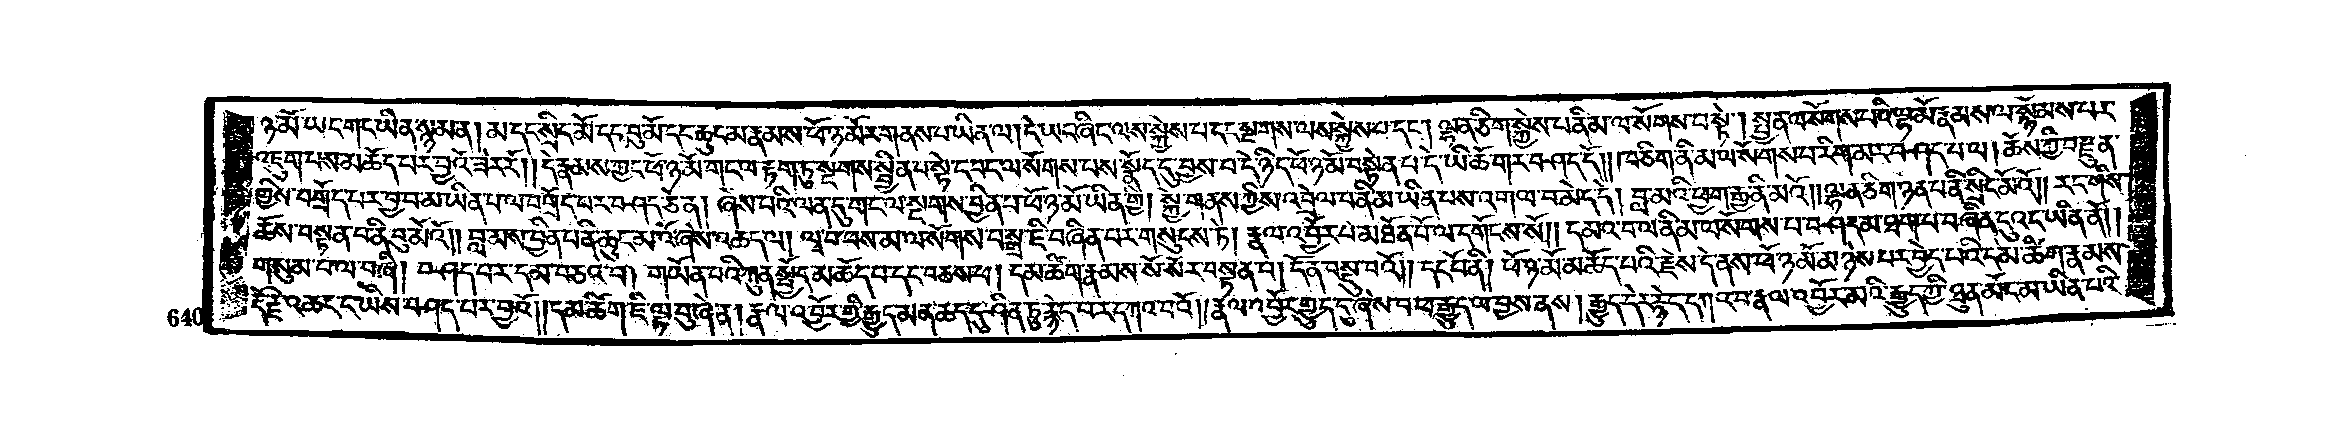ཉ་མོ་ཡང་གང་ཡིན་སྙམ་ན། མ་དང་སྲིང་མོ་དང་བུ་མོ་དང་ཆུང་མ་རྣམས་ཕོ་ཉ་མོར་གནས་པ་ཡིན་ལ། དེ་ཡང་ཞིང་ལས་སྐྱེས་པ་དང་སྔགས་ལས་སྐྱེས་པ་དང་། ལྷན་ཅིག་སྐྱེས་པ་ནི་མ་ལ་སོགས་པ་སྟེ། སྤྱན་ལ་སོགས་པའི་ལྷ་མོ་རྣམས་ལ་སྙོམས་པར་
འཇུག་པས་མཆོད་པར་བྱའོ་ཟེར་རོ། །དེ་རྣམས་ཀྱང་ཕོ་ཉ་མོ་གང་ལ་རྟག་ཏུ་སྔགས་སྦྱིན་པ་སྟེ་དབང་ལ་སོགས་པས་སྣོད་དུ་བྱས་བ་དེ་ཉིད་ཕོ་ཉ་མོ་བསྟེན་པ་དེ་ཡི་ཆོ་གར་བཤད་དོ། །ཁ་ཅིག་ནི་མ་ལ་སོགས་པ་རིག་མར་བཤད་པ་ལ། ཆོས་ཀྱི་བརྫུན་
ཀྱིས་བགྲོད་པར་བྱ་བ་མ་ཡིན་པ་ལ་བགྲོད་པར་བཤད་ཅེ་ན། ཞེས་པའི་ལན་དུ་གང་ལ་སྔགས་བྱིན་པ་ཕོ་ཉ་མོ་ཡིན་གྱི། སྐྱེ་གནས་ཀྱིས་འབྲེལ་བ་ནི་མ་ཡིན་པས་འགལ་བ་མེད་དེ། བླ་མའི་ཕྱག་རྒྱ་ནི་མའོ། །ལྷན་ཅིག་ཉེན་པ་ནི་སྲིང་མོའོ། །རང་གིས་
ཆོས་བསྟན་པ་ནི་བུ་མོའོ། །བླ་མས་བྱིན་པ་ནི་ཆུང་མ་འོ་ཞེས་འཆད་ལ། ལྭ་བ་པས་མ་ལ་སོགས་པ་སྒྲ་ཇི་བཞིན་པར་གསུངས་ཏེ། རྣལ་འབྱོར་པ་མཐོན་པོ་ལ་དགོངས་སོ། །དམའ་བ་ལ་ནི་མ་ལ་སོགས་པ་བཤད་མ་ཐག་པ་བཞིན་དུའང་ཡིན་ནོ། །
གསུམ་པ་ལ་བཞི། བཤད་པར་དམ་བཅའ་བ། གཡོན་པའི་ཀུན་སྤྱོད་མཆོད་པ་དང་བཅས་པ། དམ་ཚིག་རྣམས་སོ་སོར་བསྟན་པ། དོན་བསྡུ་བའོ། །དང་པོ་ནི། ཕོ་ཉ་མོ་མཆོད་པའི་རྗེས་དེ་ནས་ཕོ་ཉ་མོ་མཉེས་པར་བྱེད་པའི་དམ་ཚིག་རྣམས་
རྡོ་རྗེ་འཆང་ང་ཡིས་བཤད་པར་བྱའོ། །དམ་ཚིག་ཇི་ལྟ་བུ་ཞེ་ན། རྣལ་འབྱོར་གྱི་རྒྱུད་མན་ཆད་དུ་ཤིན་ཏུ་རྙེད་པར་དཀའ་བའོ། །རྣལ་འབྱོར་རྒྱུད་དུ་ཞེས་པ་ཕ་རྒྱུད་ལ་བྱས་ནས། རྒྱུད་དེར་རྙེད་དཀའ་བ་རྣལ་འབྱོར་མའི་རྒྱུད་ཀྱི་ཐུན་མོང་མ་ཡིན་པའི་